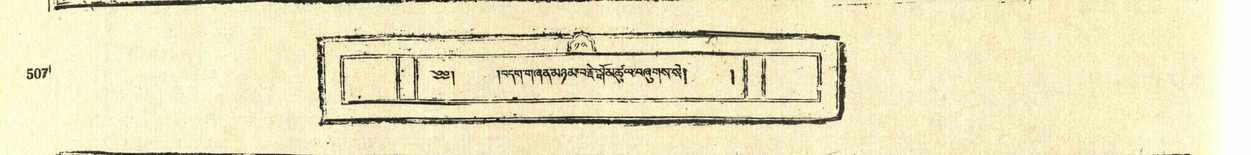༄༅། །བདག་གཞན་མཉམ་བརྗེ་སྒོམ་ཚུལ་བཞུགས་སེ། །